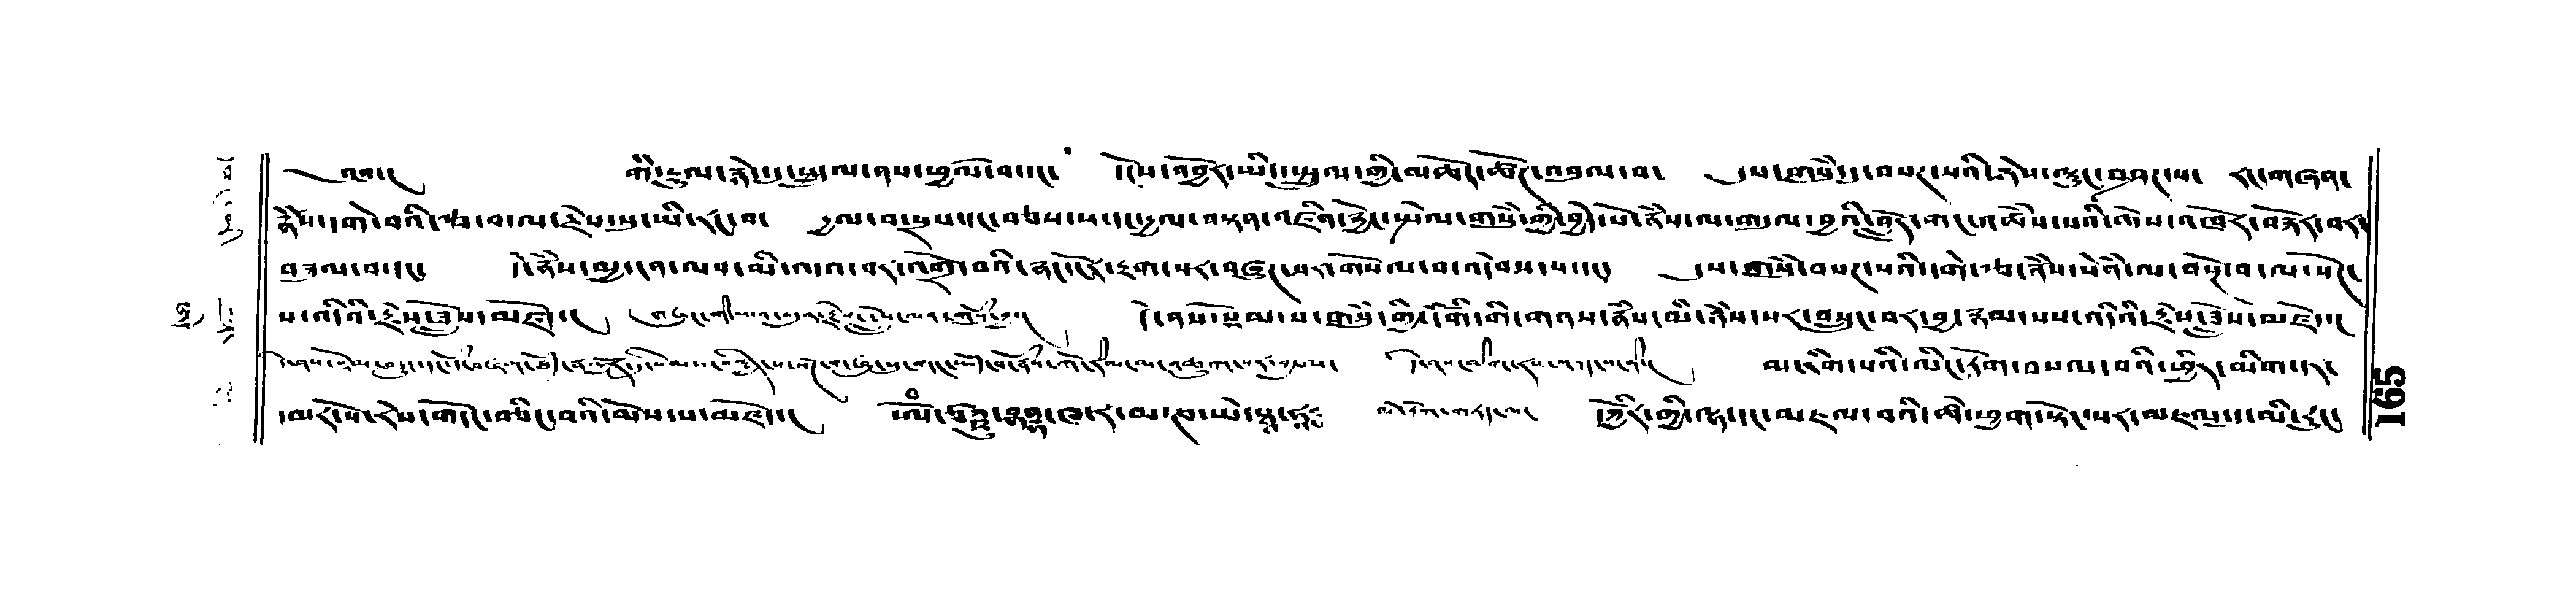གི་རྡུལ་སྙེད་དུ་སྤྲུལ་ནས་ཕྱག་འཚལ་བ་དང་། དངོས་འབྱོར་ཡིད་སྤྲུལ་གྱི་མཆོད་ཚོགས་འབུལ་བ། དུས་གསུམ་དུ་བསགས་པའི་ཉེས་ལྟུང་བཤགས་པ། རང་གཞན་
རྣམས་དགེ་བའི་རྩ་བ་ལ་རྗེས་སུ་ཡི་རང་བ། རྒྱལ་བ་སྲས་དང་བཅས་པ་དང་རྒྱལ་བསྟན་འཛིན་སྐྱོང་སྤེལ་གསུམ་གྱི་བྱེད་པོ་རྣམས་ལ་གདུལ་བྱའི་བློར་གང་འཚམས་པའི་ཆོས་འཁོར་བསྐོར་བར་
བསྐུལ་བ་དང་། དེ་རྣམས་མྱ་ངན་ལས་མི་འདའ་བར་འགྲོ་བའི་སྣང་ངོར་རྟག་པར་བཞུགས་པར་གསོལ་བ་འདེབས་པ་དང་། དུས་གསུམ་བསགས་པའི་དགེ་རྩ་སེམས་ཅན་ལ་བསྔོ་བ་ལ་སོགས་
པ་འདིའི་རྗེས་ཟློས་མཛོད།གཞུང་གི་ཡན་བདུན་རྗེས་ཟློས་ལན་གསུམ་བྱ། དེ་ནས་སྡོམ་པ་གསུམ་གྱི་དམ་ཚིག་གི་གནས་རྣམས་མི་ཉམས་པར་བསྲུང་བར་བྱ་སྙམ་པས་འདིའི་རྗེས་ཟློས་མཛོད། 
དེ་ནས་སྡོམ་བཟུང་དང་དམ་བཞག་ཐམས་ཅད་རྣལ་འབྱོར་དུ་སེམས་བསྐྱེད་པ་སོགས་གཞུང་དུ་གང་ཡོད་པ་རྣམས་གོ་རིམ་འཆུགས་པར་བྱ་ལ། དེ་ནས་མིག་རས་གཏད་པ་ནི། མ་རིག་པའི་ལིང་ཏོག་བསལ་བའི་ཕྱིར་མིག་དར་
དམར་པོ་རེས་གདོང་བཅིངས་བའི་མོས་པ་མཛོད། ཨོཾ་ཙཀྵུ་བྷནྡྷ་ཝ་ར་མ་ཎ་ཡེ་སྭཱ་ཧཱ། མེ་ཏོག་གཏད་ལ། དཀྱིལ་འཁོར་གྱི་ལྷ་དང་མཇལ་བའི་ཚེ་ཕྱག་སྟོང་པར་མཇལ་དུ་མི་རུང་